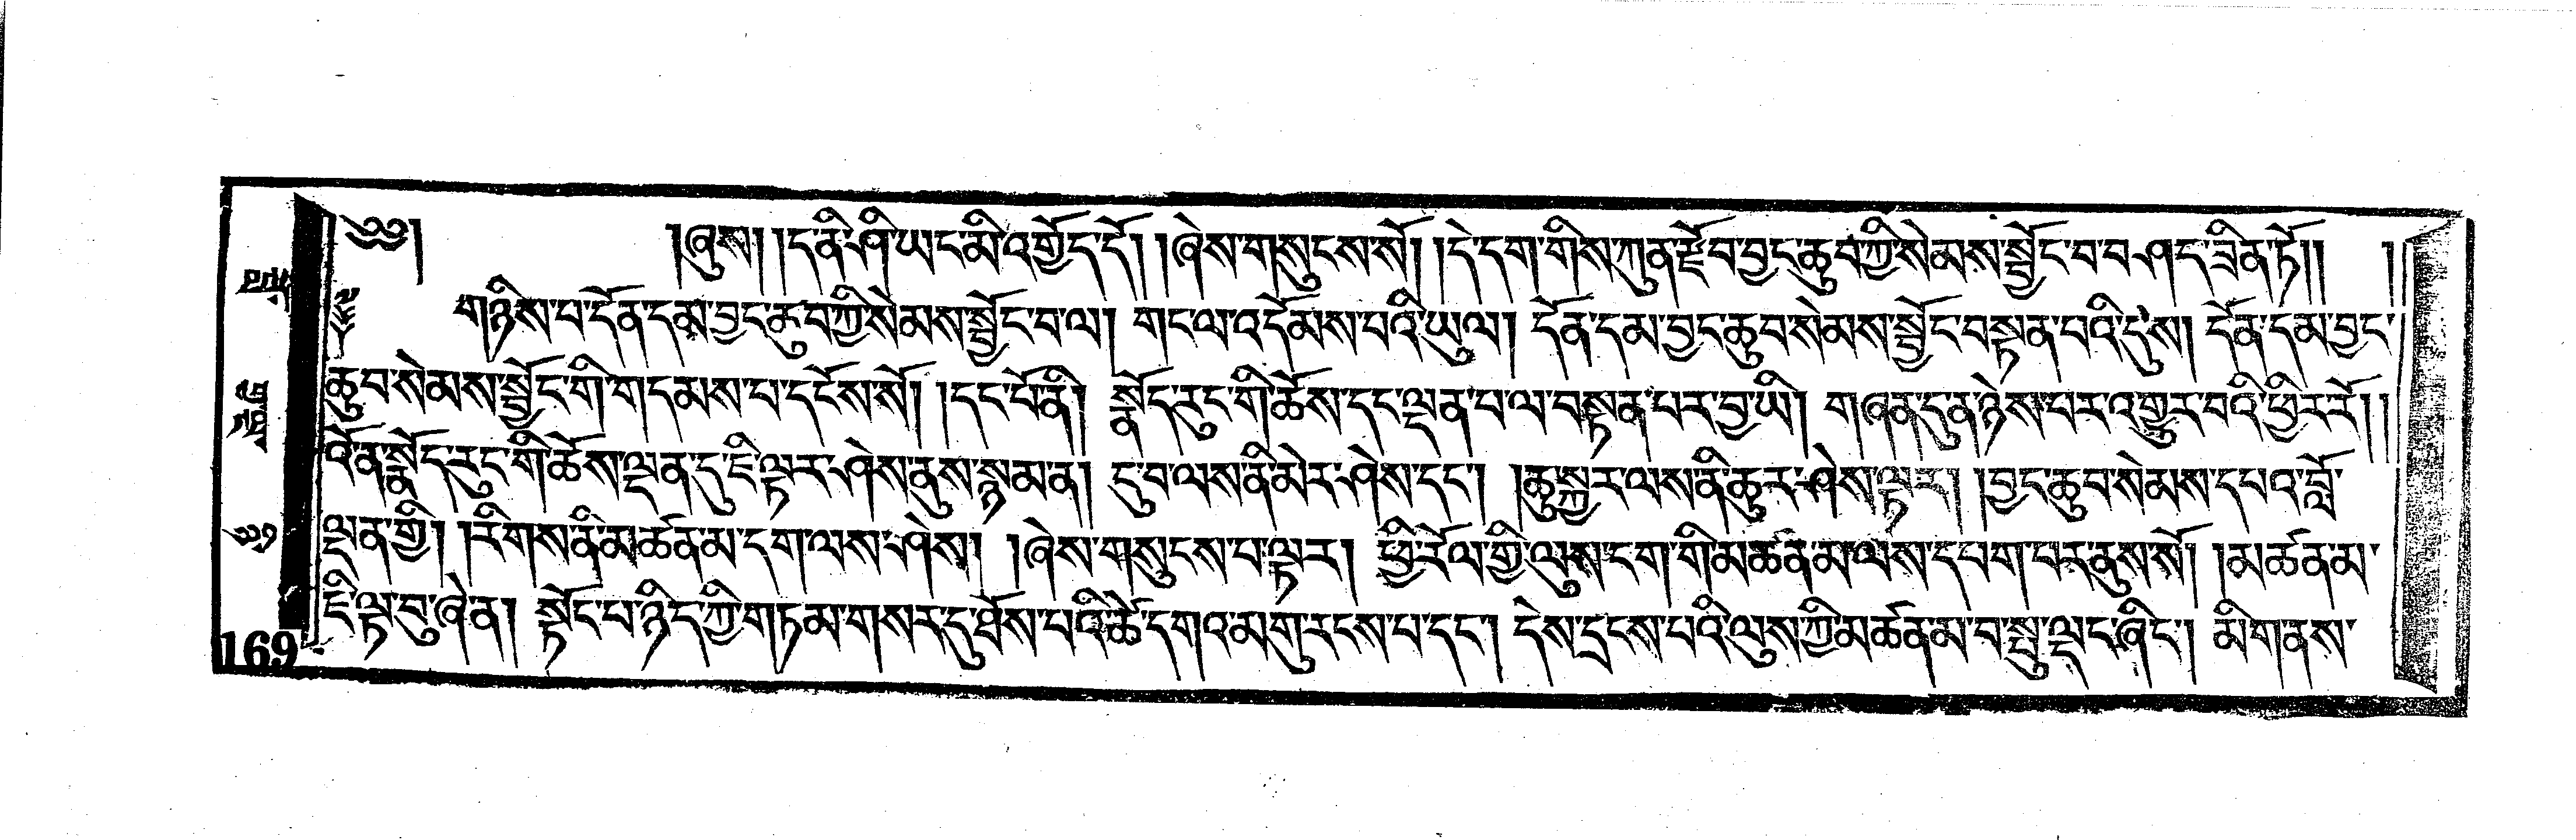༄༅། །ཞུས། །ད་ནི་ཤི་ཡང་མི་འགྱོད་དོ། །ཞེས་གསུངས་སོ། །དེ་དག་གིས་ཀུན་རྫོབ་བྱང་ཆུབ་ཀྱི་སེམས་སྦྱོང་བ་བཤད་ཟིན་ཏོ།། །
༈ གཉིས་པ་དོན་དམ་བྱང་ཆུབ་ཀྱི་སེམས་སྦྱོང་བ་ལ། གང་ལ་འདོམས་པའི་ཡུལ། དོན་དམ་བྱང་ཆུབ་སེམས་སྦྱོང་བསྟན་པའི་དུས། དོན་དམ་བྱང་
ཆུབ་སེམས་སྦྱོང་གི་གདམས་པ་དངོས་སོ། །དང་པོ་ནི། སྣོད་རུང་གི་ཆོས་དང་ལྡན་པ་ལ་བསྟན་པར་བྱ་ཡི། གཞན་དུ་ན་ཉེས་པར་འགྱུར་བའི་ཕྱིར་རོ། །
འོ་ན་སྣོད་རུང་གི་ཆོས་ལྡན་དུ་ཇི་ལྟར་ཤེས་ནུས་སྙམ་ན། དུ་བ་ལས་ནི་མེར་ཤེས་དང་། །ཆུ་སྐྱར་ལས་ནི་ཆུར་ཤེས་ལྟར། །བྱང་ཆུབ་སེམས་དཔའ་བློ་
ལྡན་གྱི། །རིགས་ནི་མཚན་མ་དག་ལས་ཤེས། །ཞེས་གསུངས་པ་ལྟར། ཕྱི་རོལ་གྱི་ལུས་ངག་གི་མཚན་མ་ལས་དཔག་པར་ནུས་སོ། །མཚན་མ་
ཇི་ལྟ་བུ་ཞེ་ན། སྟོང་པ་ཉིད་ཀྱི་གཏམ་གསར་དུ་ཐོས་པའི་ཚེ་དགའ་མགུ་རངས་པ་དང་། དེས་དྲངས་པའི་ལུས་ཀྱི་མཚན་མ་བ་སྤུ་ལྡང་ཞིང་། མིག་ནས་